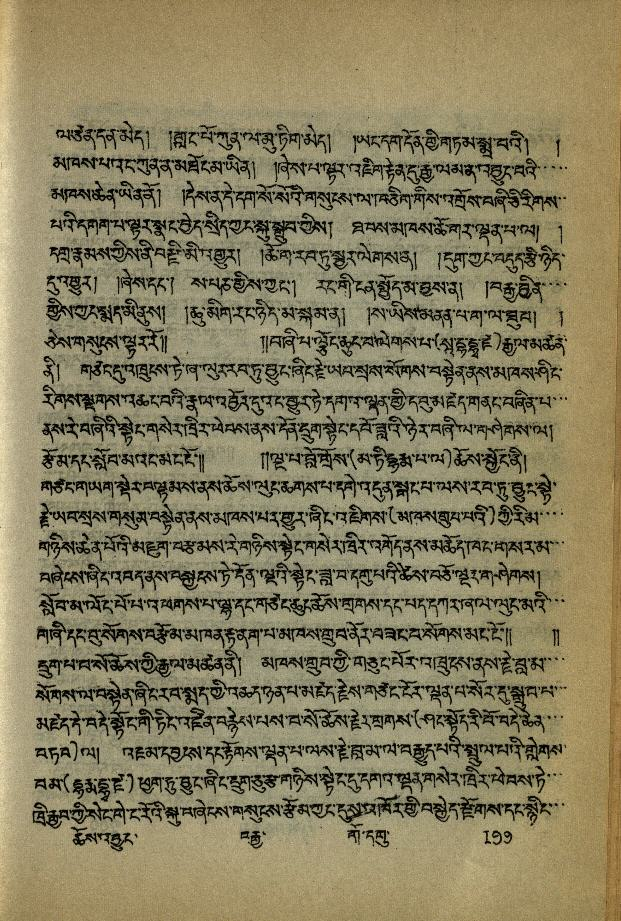ལ་ཙན་དན་མེད། །གླང་པོ་ཀུན་ལ་མུ་ཏིག་མེད། །ཡང་དག་དོན་གྱི་གཏམ་སྨྲ་བའི། །
མཁས་པའང་ཀུན་ན་མཐོང་མ་ཡིན། །ཞེས་པ་ལྟར་འཇིག་རྟེན་དུ་རྒྱ་ལམ་ན་འབྱུང་བའི་
མཁས་ཆེན་ཡིན་ནོ། །དེས་ན་དེ་དག་སོ་སོའི་གསུངས་ལ་ཁ་ཅིག་གིས་འགྲོས་བཞི་ཅི་རིགས་
པའི་དགག་པ་ལྟར་སྣང་བྱེད་སྲིད་ཀྱང་སྐུ་སྒྲུབ་ཀྱིས། ཐབས་མཁས་ཆོ་གར་ལྡན་པ་ལ། །
དགྲ་རྣམས་ཀྱིས་ནི་བརྫི་མི་འགྱུར། །ཆོ་ག་རབ་ཏུ་སྦྱར་ལེགས་ན། །དུག་ཀྱང་བདུད་རྩི་ཉིད་
དུ་འགྱུར། །ཞེས་དང་། ས་པཎ་གྱིས་ཀྱང་། རང་གི་ངན་སྤྱོད་མ་བྱས་ན། །བརྒྱ་བྱིན་
གྱིས་ཀྱང་སྨད་མི་ནུས། །ཆུ་མིག་རང་ཉིད་མ་སྐམ་ན། །ས་ཡིས་མནན་པ་ག་ལ་ཐུབ། །
ཅེས་གསུངས་ལྟར་རོ།། །།བཞི་པ་ལྕོང་ཆུང་བ་ལེགས་པ་སཱ་དྷ་དྷྭ་ཛ་རྒྱལ་མཚན་
ནི། གཙང་འཁྲུངས་ཏེ་ཞ་ལུང་རབ་ཏུ་བྱུང་ཞིང་རྗེ་ཡབ་སྲས་སོགས་བསྟེན་ནས་མཁས་ཤིང་
རིགས་སྔགས་འཆང་བའི་རྣལ་འབྱོར་དུའང་གྱུར་ཏེ་དགའ་ལྡན་གྱི་དབུ་མཛད་གནང་བཞིན་པ་
ནས་རེ་བཞིའི་སྟེང་གསེར་ཁྲིར་ཕེབས་ནས་དོན་དྲུག་སྟེང་དབོ་ཟླའི་ཉེར་བཞི་ལ་གཤེགས་ལ།
རྩོམ་དང་སློབ་མའང་མང་ངོ།། །།ལྔ་པ་བློ་གྲོས་མ་ཏི་དྷརྨ་པ་ལ་ཆོས་སྐྱོང་ནི།
གཙང་གཡག་སྡེར་བལྟམས་ནས་ཆོས་ལུང་ཆགས་པ་དགེ་འདུན་སྒང་བ་ལས་རབ་ཏུ་བྱུང་སྟེ་
རྗེ་ཡབ་སྲས་གསུམ་བསྟེན་ནས་མཁས་པར་གྱུར་ཞིང་འཇིགས་མཁས་གྲུབ་པའི་ཀྱི་རིམ་
གཉིས་ཆེན་པོའི་མཇུག་བརྩམས་རེ་གཉིས་སྟེང་གསེར་ཁྲིར་འགོད་ནས་མཆོད་ཁང་གསར་མ་
བཞེངས་ཞིང་འབད་ནས་བསྐྱངས་ཏེ་དོན་ལྔའི་སྟེང་ཟླ་བ་དགུ་པའི་ཚེས་བཅོ་ལྔར་གཤེགས།
སློབ་མ་ལོང་པོ་པ་འཕགས་པ་ལྷ་དང་གཙང་ཆུང་ཆོས་གྲགས་དང་པད་དཀར་ཞལ་ལུང་མའི་
གཞི་དང་བུ་སོགས་བརྩོམ་མཁན་རྟ་ནག་པ་མཁས་གྲུབ་ནོར་བཟང་བ་སོགས་མང་ངོ།། །།
དྲུག་པ་བ་སོ་ཆོས་ཀྱི་རྒྱལ་མཚན་ནི། མཁས་གྲུབ་ཀྱི་གཅུང་པོར་འཁྲུངས་ནས་རྗེ་བླ་མ་
སོགས་ལ་བསྟེན་ཞིང་རབ་སྨད་ཀྱི་འཆད་ཉན་པ་མཛད་རྗེས་གཙང་ངོར་ལྡན་པ་སོར་དུ་སྒྲུབ་པ་
མཛད་དེ་བདེ་སྟོང་གི་ཏིང་འཛིན་བརྙེས་པས་བ་སོ་ཆོས་རྗེར་གྲགས་ཤང་སྟོད་རི་པོ་བདེ་ཆེན་
བཏབ་ལ། འཇམ་དབྱངས་དང་རྟོགས་ལྡན་པ་ལས་རྗེ་བླ་མ་ལ་བརྒྱུད་པའི་སྤྲུལ་པའི་གླེགས་
བམ་དྷརྨ་དྷྭ་ཛ་ཕྱག་ཏུ་བྱུང་ཞིང་དྲུག་ཅུ་རྩ་གཉིས་སྟེང་དུ་དགའ་ལྡན་གསེར་ཁྲིར་ཕེབས་ཏེ་
ཁྲི་རྒྱབ་ཀྱི་སེངྒེ་ང་རོའི་སྐུ་བཞེངས་གསུངས་རྩོམ་ཀྱང་དུས་འཁོར་གྱི་བསྐྱེད་རྫོགས་དང་སྙིང་